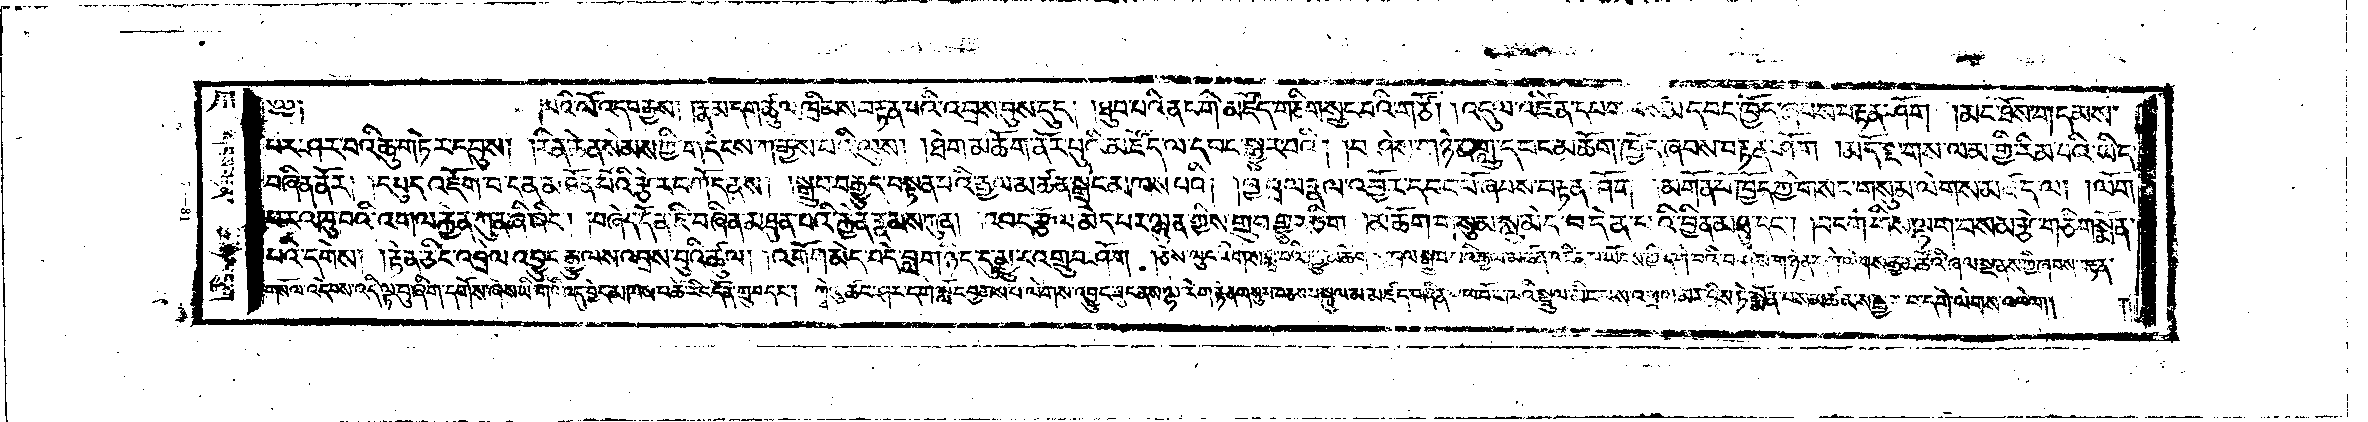༄༅། །པའི་ལོ་འདབ་རྒྱས། །རྣམ་དག་ཚུལ་ཁྲིམས་བརྟན་པའི་འབྲས་བུས་དུང་། །ཐུབ་བའི་ནང་གི་མཛོད་གཅིག་སྲུང་བའི་གཙོ། །འདུལ་འཛིན་དཔག་བསམ་དབང་ཁྱོད་ཞབས་བརྟན་ཤོག །མང་ཐོས་གདམས་
པར་ཤར་བའི་ཆུ་གཏེར་དབུས། །རིན་ཆེན་སེམས་ཀྱི་གདེངས་ཀ་རྒྱས་པའི་ལུས། །ཐེག་མཆོག་ནོར་བུའི་མཛོད་ལ་དབང་སྒྱུར་བའི། །བཤེས་གཉེན་ཀླུ་དབང་མཆོག་ཁྱོད་ཞབས་བརྟན་ཤོག །མདོ་སྔགས་ལམ་གྱི་རིམ་པའི་ཡིད་
བཞིན་ནོར། །དཔྱད་འཇོག་བ་དན་མཐོན་པོའི་རྩེར་བཀོད་ནས། །སྒྲུབ་བརྒྱུད་བསྟན་པའི་རྒྱལ་མཚན་སྒྲང་མཁས་པའི། །བྱ་བྲལ་རྣལ་འབྱོར་དབང་པོ་ཞབས་བརྟན་ཤོག །མགོན་པོ་ཁྱོད་ཀྱི་གསང་གསུམ་ལེགས་མཛད་ལ། །ལོག་
བར་འཁུ་བའི་འགལ་རྐྱེན་ཀུན་ཞི་ཞིང་། །བཞེད་དོན་ཇི་བཞིན་མཐུན་པའི་རྐྱེན་རྣམས་ཀུན། །འབད་རྩོལ་མེད་པར་ལྷུན་གྱིས་གྲུབ་གྱུར་ཅིག །མཆོག་གསུམ་སླུ་མེད་ན་བདེན་བའི་བྱིན་མཐུ་དང་། །བདག་གིས་ལྷག་བསམ་རྩེ་གཅིག་སྨོན་
པའི་དགེས། །རྟེན་ཅིང་འབྲེལ་འབྱུང་རྒྱུ་ལས་འབྲས་བུའི་ཚུལ། །འགོག་མེད་བདེ་བླག་ཉིད་དུ་མྱུར་འགྲུབ་ཤོག །ཅེས་ལུང་རིགས་སྨྲ་བའི་ཁྱུ་མཆོག་བྱ་བྲལ་སྒྲུབ་པའི་རྒྱལ་མཚན་འཛིན་པ་ཡོངས་ཀྱི་དགེ་བའི་བཤེས་གཉེན་དགེ་ལེགས་རྒྱ་མཚོའི་ཞལ་སྔ་ནས་ཀྱི་ཞབས་བརྟན་
གསོལ་འདེབས་འདི་ལྟ་བུ་ཞིག་དགོས་ཞེས་ཡི་གེའི་འདུ་བྱེད་མཁས་བ་ཚེ་རིང་འདོན་གྲུབ་དང་། ཀྭེའུ་ཚང་ཤར་དགེ་སློང་བྱམས་པ་ལེགས་དབྱུང་ཟུང་ནས་ལྷ་རེག་རྟེན་གསུམ་བཅས་བསྐུལ་མ་མཛད་བཞིན ༧་ཕ་བོང་ཁའི་སྤྲུལ་མིང་བས་འཕྲལ་མར་བྲིས་ཏེ་སྨོན་པས་མཚམས་སྦྱར་བ་དགེ་ལེགས་འཕེལ།། །།